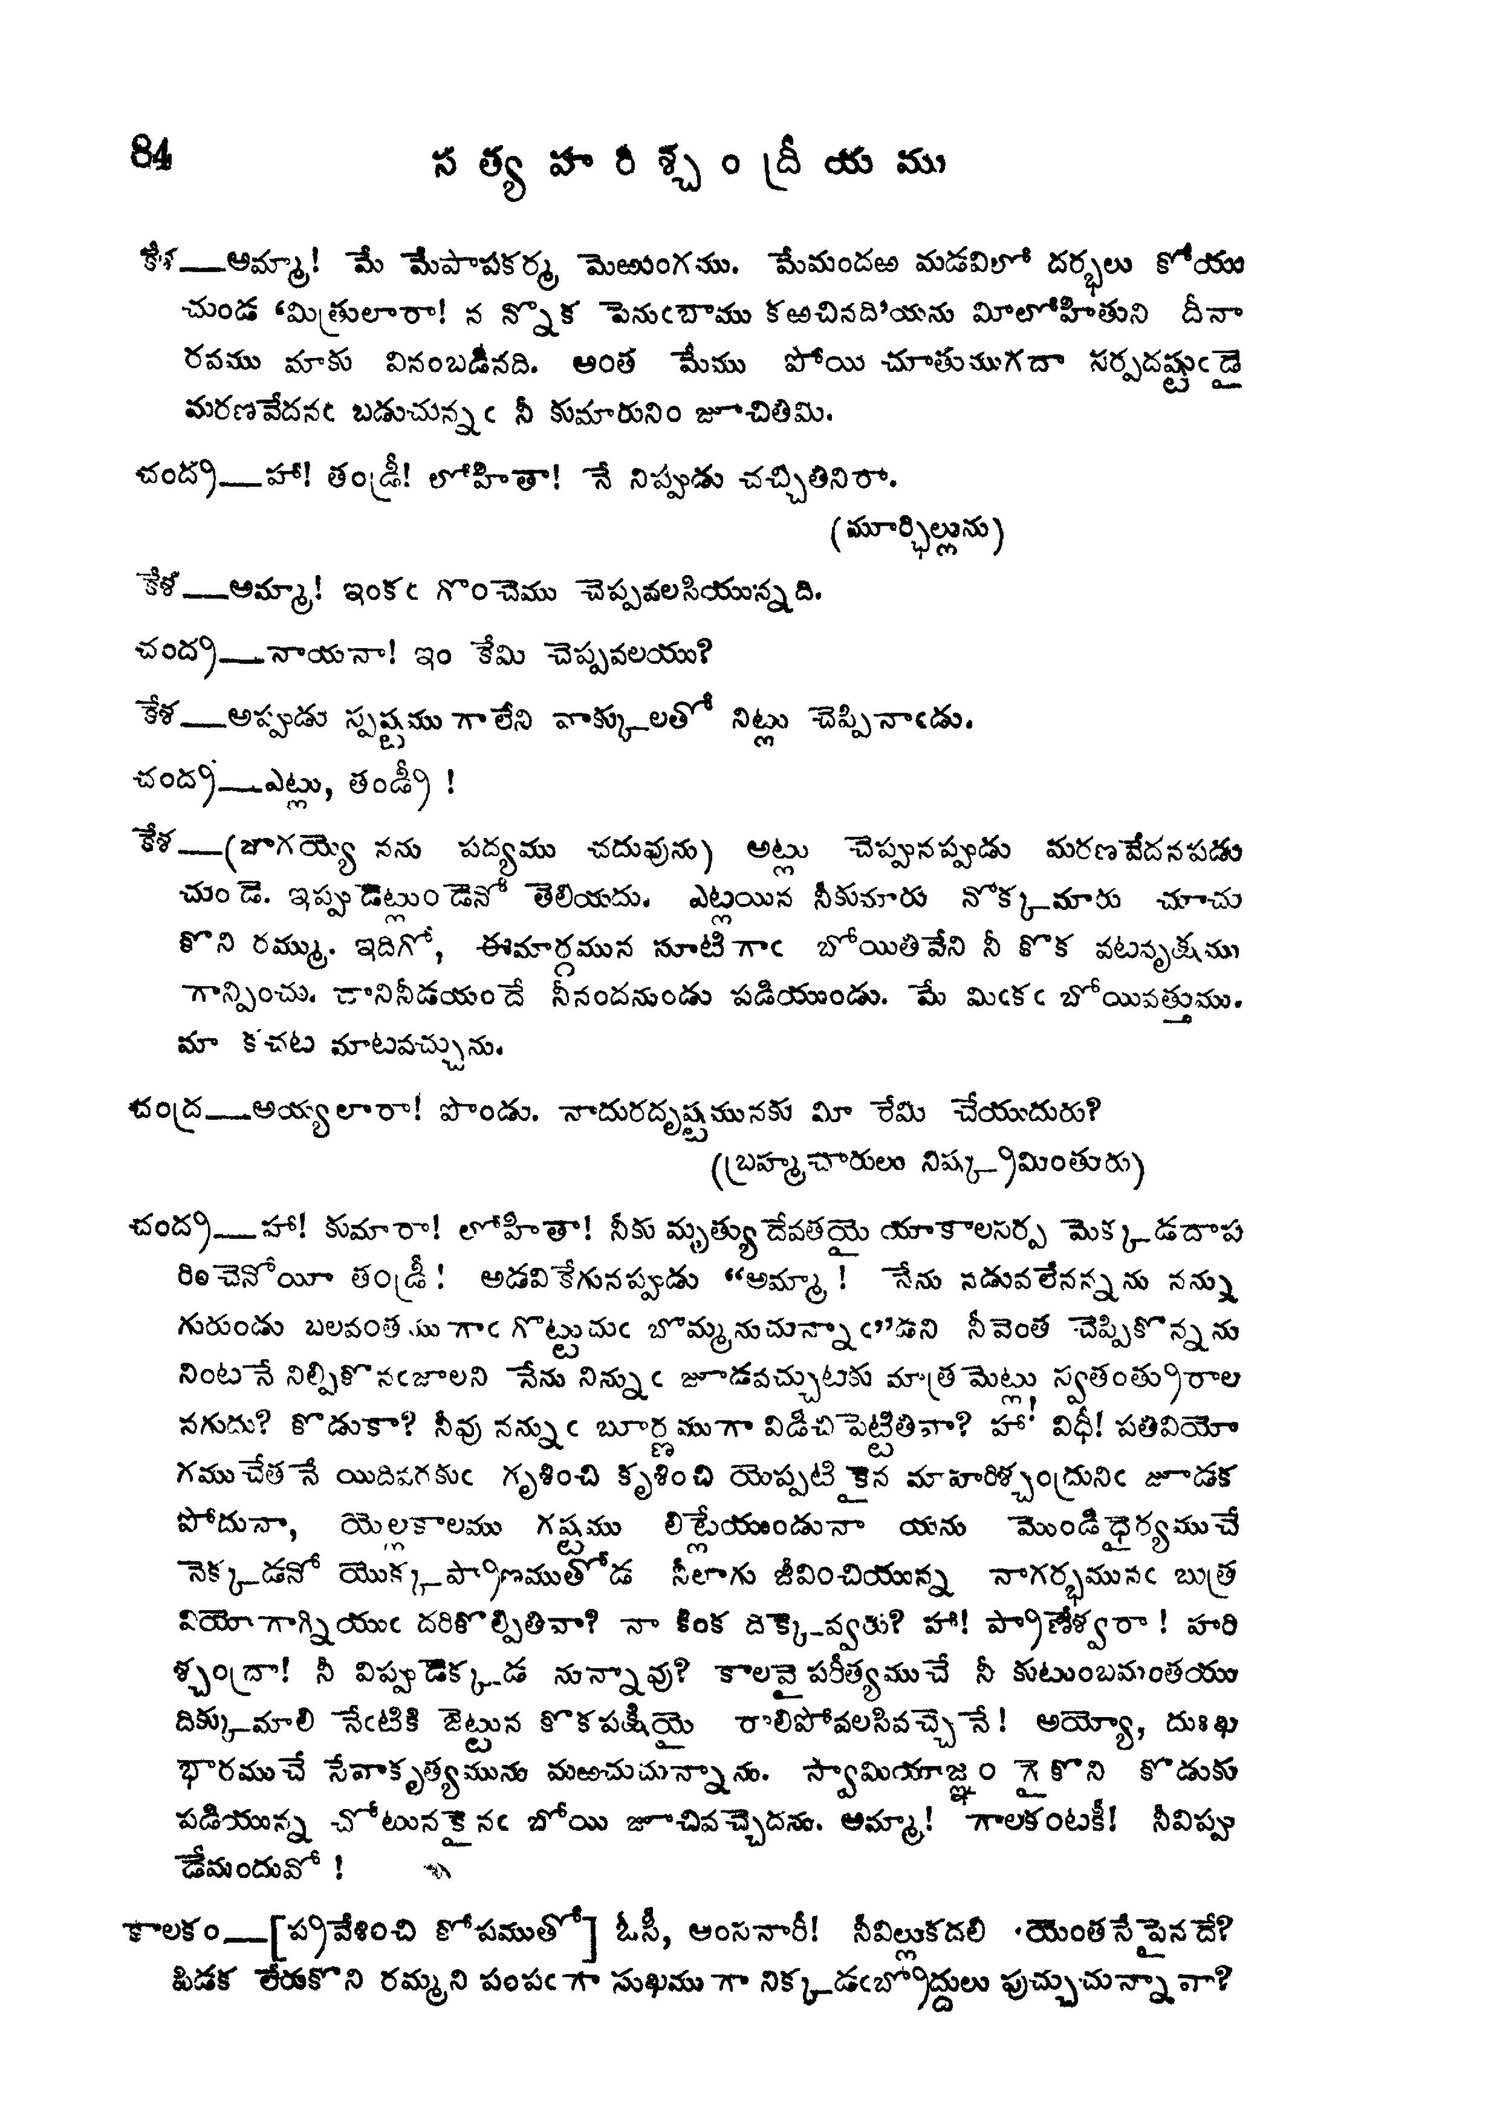కేశ - 	అమ్మా! మేమే పాపకర్మ మెఱుఁగము. మేమందఱ మడవిలో దర్భలు గోయుచుండ "మిత్రులారా! నన్నొక పెనుఁబాము కఱచినది" యను మీ లోహితాస్యుని దీనారవము మాకు వినంబడినది. అంత మేము పోయి చూతుము గదా సర్పదష్టుడై మరణవేదనఁ బడుచున్న నీ కుమారునిం జూచితిమి.

చంద్ర - 	హా! తండ్రీ! లోహితా! నే జచ్చితినిరా. (మూర్ఛిల్లును)

కేశ - 	అమ్మా! ఇంకఁ గొంచెము చెప్పవలసియున్నది.

చంద్ర - 	నాయనా! ఇంకేమి చెప్పవలయును?

కేశ -	అప్పుడు స్పష్టముగా లేని వాక్కులతో నిట్లు చెప్పినాడు.

చంద్ర - 	ఎట్లు తండ్రీ!

కేశ - 	('జాగయ్యె' నను పద్యమును చదువును) అట్లు చెప్పినప్పుడు మరణవేదన పడుచుండె. ఇప్పుడెట్లుండునో తెలియదు. ఎట్లయిన నీ కుమారుని నొక్కమాఱు చూచుకొనిరమ్ము. ఇదిగో ఈ మార్గమున సూటిగాఁ బోయితివేని నీ కొక వటవృక్షము గాన్పించును. దాని నీడయందే నీ నందనుండు పడియుండు. మేమింకఁ బోయి వత్తుము. మాకచట మాట వచ్చును.

చంద్ర - 	అయ్యలారా! పొండు. నా దురదృష్టమునకు మీరేమి చేయుదురు?

(బ్రహ్మచారులు నిష్క్రమింతురు)

చంద్ర - 	హా! కుమారా! లోహితా! నీకు మృత్యుదేవతయై యాకాలసర్పమెక్కడ దాపురించెనోయీ తండ్రీ! అడవికేగునప్పుడు "నేను నడువలేకున్నను నన్ను గురుండు బలవంతముగా గొట్టుచుఁ బొమ్మను చున్నాఁ" డని నీ వెంత చెప్పికొన్న నింటనే నిల్పికొనఁ జాలని నేను నిన్నుఁ జూడ వచ్చుటకు మాత్రమెట్లు స్వతంత్రురాలనగుదును? కొడుకా! నీవునన్నుఁ బూర్ణముగా విడిచిపెట్టితివా? హా విధీ! పతివియోగముచేతనే యిదివరకు గృశించి కృశించి యెప్పటికైన మా హరిశ్చంద్రుని చూడకపోదునా? యెల్లకాలము గష్టము లిట్లే యుండునా యను మొండి ధైర్యముచే నెక్కడనో యొక్క ప్రాణముతోడ నీలాగు జీవించియున్న నాగర్భమునఁ బుత్ర వియోగాగ్నియుఁ దరికొల్పితివా?
నాకింక దిక్కెవ్వరు? హా! ప్రాణేశ్వరా! హరిశ్చంద్రా! నీ విప్పుడెక్కడ నున్నావు? కాలవైపరీత్యముచే నీకుటుంబ మంతయు దిక్కుమాలి నేఁటికి జెట్టున కొక పక్షియై రాలిపోవలసి వచ్చెనే, అయ్యో! దుఃఖభారముచే సేవాకృత్యమును మఱచుచున్నాను. స్వామి యాజ్ఞంగైకొని కొడుకువడియున్న చోటునకైనబోయి చూచివచ్చెదను. అమ్మా! కాలకంటకీ! నీవిప్పుడేమందువో?

కాలకం - 	(ప్రవేశించి, కోపముతో) ఓసీ, అంసనారీ! నీ విల్లు కదలి ఎంతసేపైనదే? పిడక లేరుకొని రమ్మని పంపగా సుఖముగా నిక్కడఁ బ్రొద్దులు పుచ్చుచున్నావా?